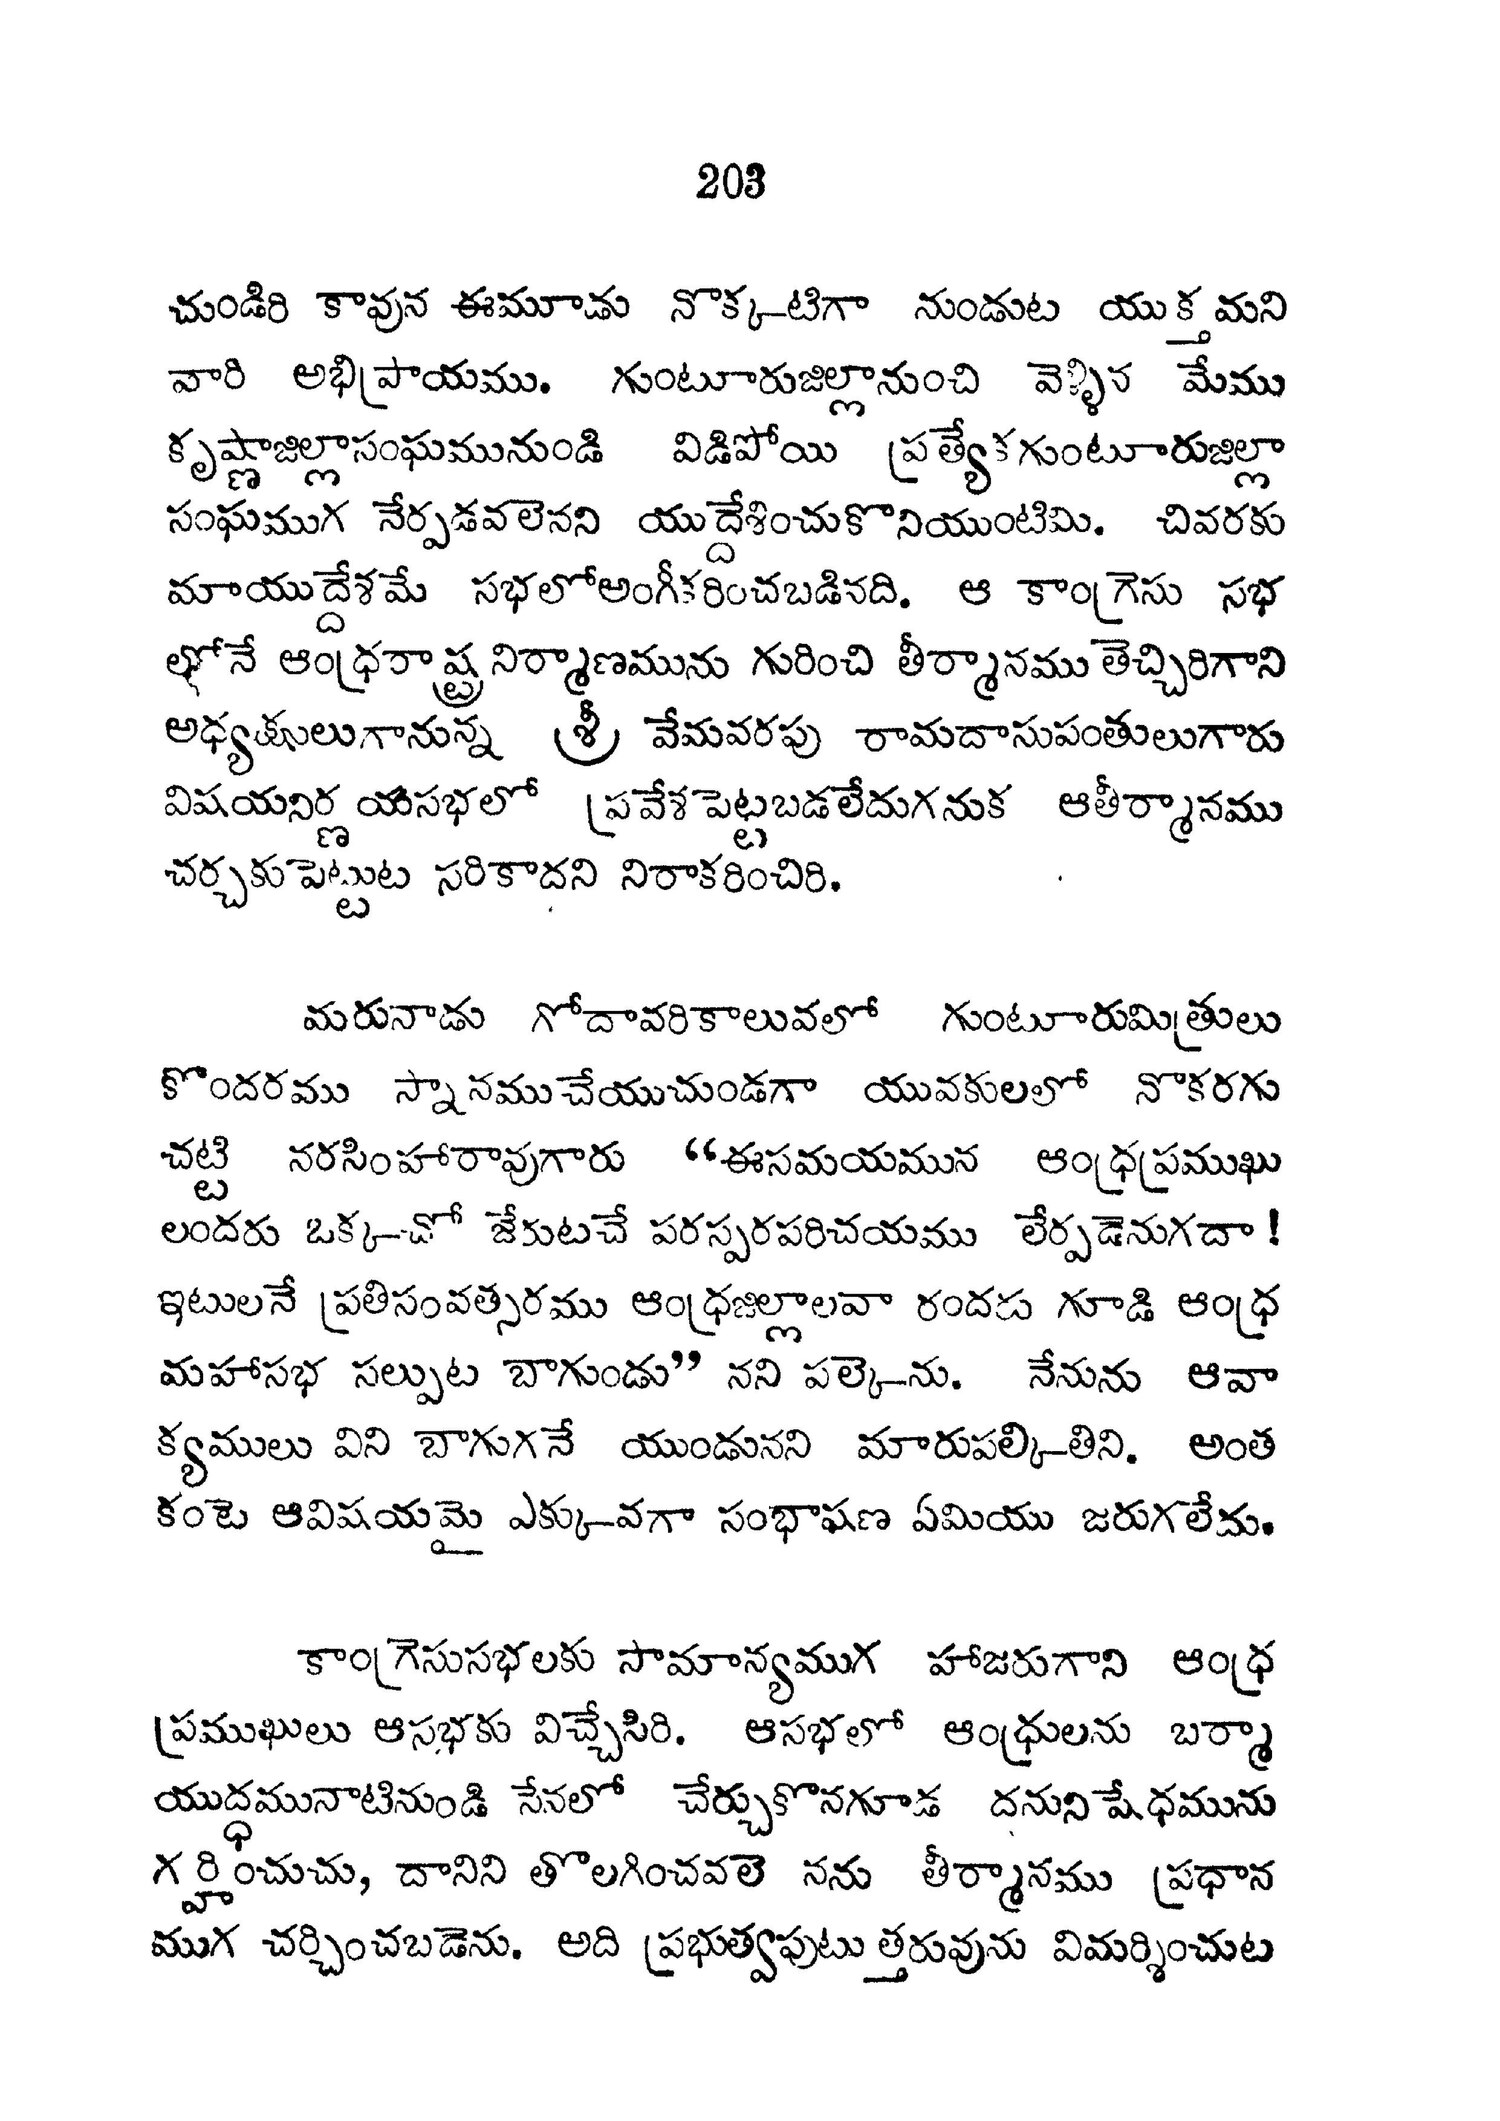చుండిరి కావున ఈమూడు నొక్కటిగా నుండుట యుక్తమని వారి అభిప్రాయము. గుంటూరుజిల్లానుంచి వెళ్ళిన మేము కృష్ణాజిల్లాసంఘమునుండి విడిపోయి ప్రత్యేకగుంటూరుజిల్లా సంఘముగ నేర్పడవలెనని యుద్దేశించుకొనియుంటిమి. చివరకు మాయుద్దేశమే సభలోఅంగీకరించబడినది. ఆ కాంగ్రెసు సభలోనే ఆంధ్రరాష్ట్ర నిర్మాణమును గురించి తీర్మానము తెచ్చిరిగాని అధ్యక్షులుగానున్న శ్రీ వేమవరపు రామదాసుపంతులుగారు విషయనిర్ణయసభలో ప్రవేశపెట్టబడలేదుగనుక ఆతీర్మానము చర్చకుపెట్టుట సరికాదని నిరాకరించిరి.

మరునాడు గోదావరికాలువలో గుంటూరుమిత్రులు కొందరము స్నానముచేయుచుండగా యువకులలో నొకరగు చట్టి నరసింహారావుగారు "ఈసమయమున ఆంధ్రప్రముఖులందరు ఒక్కచో జేరుటచే పరస్పరపరిచయము లేర్పడెనుగదా! ఇటులనే ప్రతిసంవత్సరము ఆంధ్రజిల్లాలవా రందరు గూడి ఆంధ్రమహాసభ సల్పుట బాగుండు" నని పల్కెను. నేనును ఆవాక్యములు విని బాగుగనే యుండునని మారుపల్కితిని. అంతకంటె ఆవిషయమై ఎక్కువగా సంభాషణ ఏమియు జరుగలేదు.

కాంగ్రెసుసభలకు సామాన్యముగ హాజరుగాని ఆంధ్రప్రముఖులు ఆసభకు విచ్చేసిరి. ఆసభలో ఆంధ్రులను బర్మా యుద్ధమునాటినుండి సేనలో చేర్చుకొనగూడ దనునిషేధమును గర్హించుచు, దానిని తొలగించవలె నను తీర్మానము ప్రధానముగ చర్చించబడెను. అది ప్రభుత్వపుటుత్తరువును విమర్శించుట